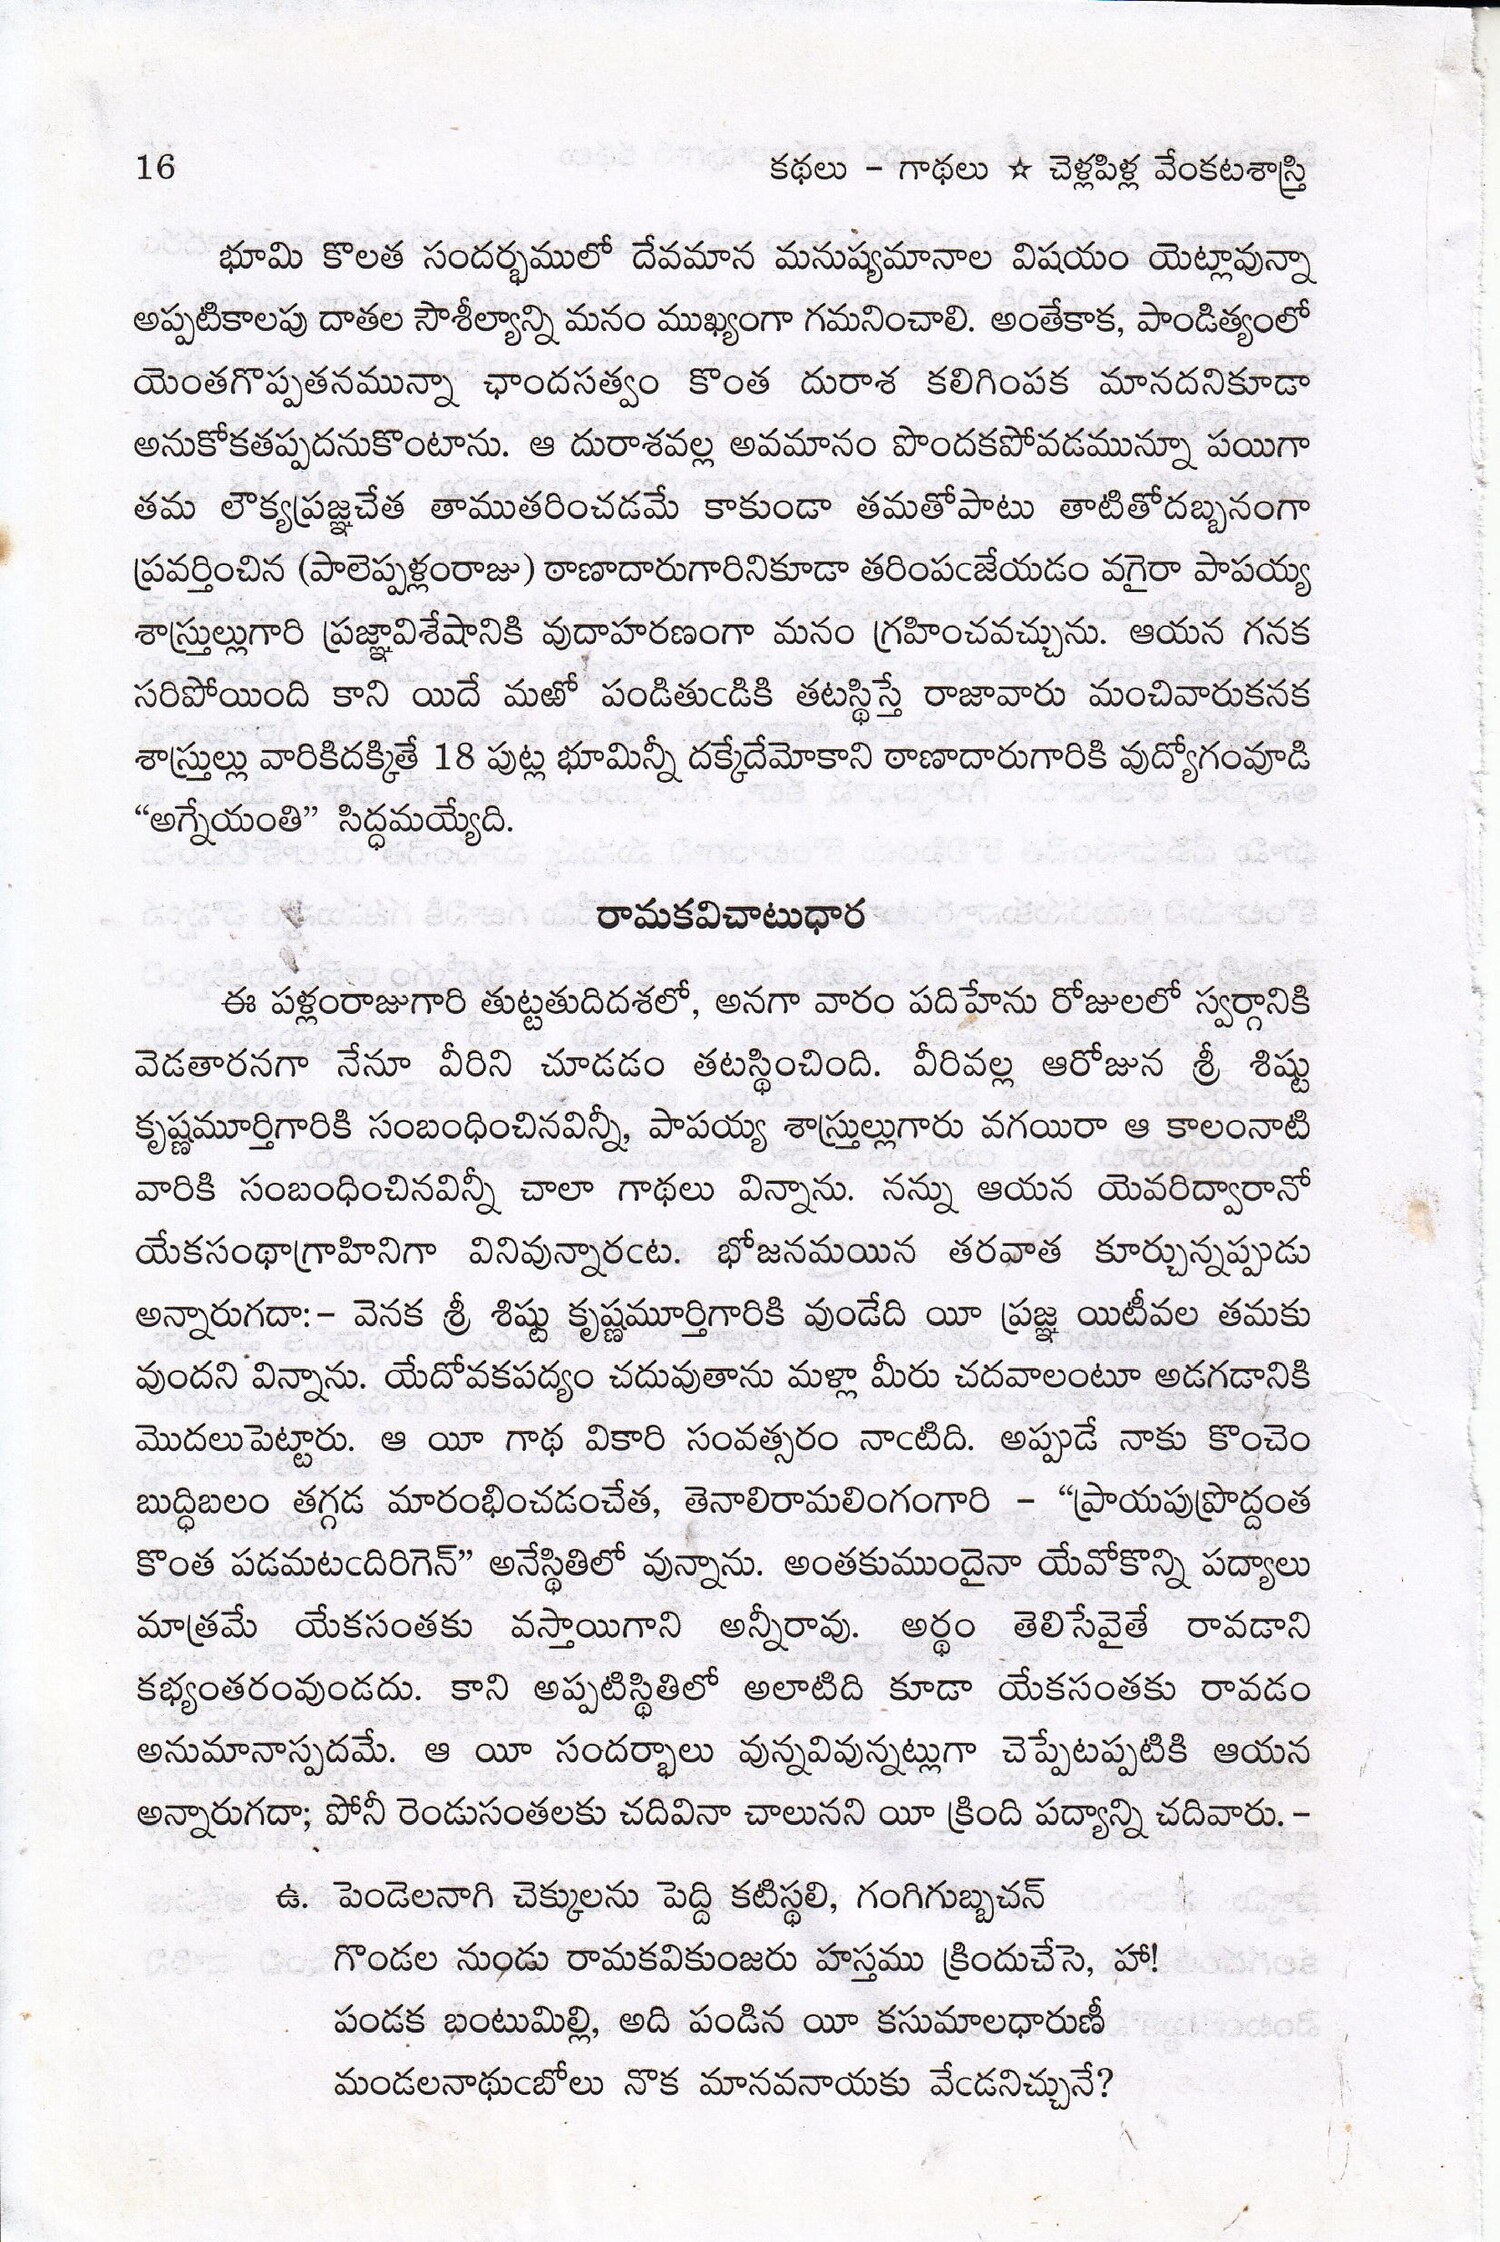భూమి కొలత సందర్భములో దేవమాన మనుష్యమానాల విషయం యెట్లావున్నా అప్పటికాలపు దాతల సౌశీల్యాన్ని మనం ముఖ్యంగా గమనించాలి. అంతేకాక, పాండిత్యంలో యెంతగొప్పతనమున్నా ఛాందసత్వం కొంత దురాశ కలిగింపక మానదనికూడా అనుకోకతప్పదనుకొంటాను. ఆ దురాశవల్ల అవమానం పొందకపోవడమున్నూ పయిగా తమ లౌక్యప్రజ్ఞచేత తాముతరించడమే కాకుండా తమతోపాటు తాటితోదబ్బనంగా ప్రవర్తించిన (పాలెప్పళ్లంరాజు) ఠాణాదారుగారినికూడా తరింపఁజేయడం వగైరా పాపయ్య శాస్రుల్లగారి ప్రజ్ఞావిశేషానికి వుదాహరణంగా మనం గ్రహించవచ్చును. ఆయన గనక సరిపోయింది కాని యిదే మఱో పండితుడికి తటస్థిస్తే రాజావారు మంచివారుకనక శాస్రుల్లు వారికిదక్కితే 18 పుట్ల భూమిన్నీ దక్కేదేమోకాని ఠాణాదారుగారికి వుద్యోగంవూడి “అగ్నేయంతి" సిద్ధమయ్యేది.

ఈ పళ్లంరాజుగారి తుట్టతుదిదశలో, అనగా వారం పదిహేను రోజులలో స్వర్గానికి వెడతారనగా నేనూ వీరిని చూడడం తటస్థించింది. వీరివల్ల ఆరోజున శ్రీ శిష్టు కృష్ణమూర్తిగారికి సంబంధించినవిన్నీ పాపయ్య శాస్రుల్లుగారు వగయిరా ఆ కాలంనాటి వారికి సంబంధించినవిన్నీ చాలా గాథలు విన్నాను. నన్ను ఆయన యెవరిద్వారానో యేకసంథాగ్రాహినిగా వినివున్నారఁట. భోజనమయిన తరవాత కూర్చున్నప్పడు అన్నారుగదా:- వెనక శ్రీ శిష్టు కృష్ణమూర్తిగారికి వుండేది యీ ప్రజ్ఞ యిటీవల తమకు వుందని విన్నాను. యేదోవకపద్యం చదువుతాను మళ్లా మీరు చదవాలంటూ అడగడానికి
మొదలుపెట్టారు. ఆ యీ గాథ వికారి సంవత్సరం నాఁటిది. అప్పుడే నాకు కొంచెం బుద్ధిబలం తగ్గడ మారంభించడంచేత, తెనాలిరామలింగంగారి - "ప్రాయపు ప్రొద్దంత కొంత పడమటఁదిరిగెన్” అనే స్థితిలో వున్నాను. అంతకుముందైనా యేవోకొన్ని పద్యాలు మాత్రమే యేకసంతకు వస్తాయిగాని అన్నీరావు. అర్థం తెలిసేవైతే రావడాని
కభ్యంతరంవుండదు. కాని అప్పటిస్థితిలో అలాటిది కూడా యేకసంతకు రావడం అనుమానాస్పదమే. ఆ యీ సందర్భాలు వున్నవివున్నట్లుగా చెప్పేటప్పటికి ఆయన అన్నారుగదా; పోనీ రెండుసంతలకు చదివినా చాలునని యీ క్రింది పద్యాన్ని చదివారు. -

ఉ. పెండెలనాగి చెక్కులను పెద్ది కటిస్థలి, గంగిగుబ్బచన్
గొండల నుండు రామకవికుంజరు హస్తము క్రిందుచేసె, 
హా! పండక బంటుమిల్లి, అది పండిన యీ కసుమాలధారుణీ
మండలనాథుఁబోలు నొక మానవనాయకు వేఁడనిచ్చునే?